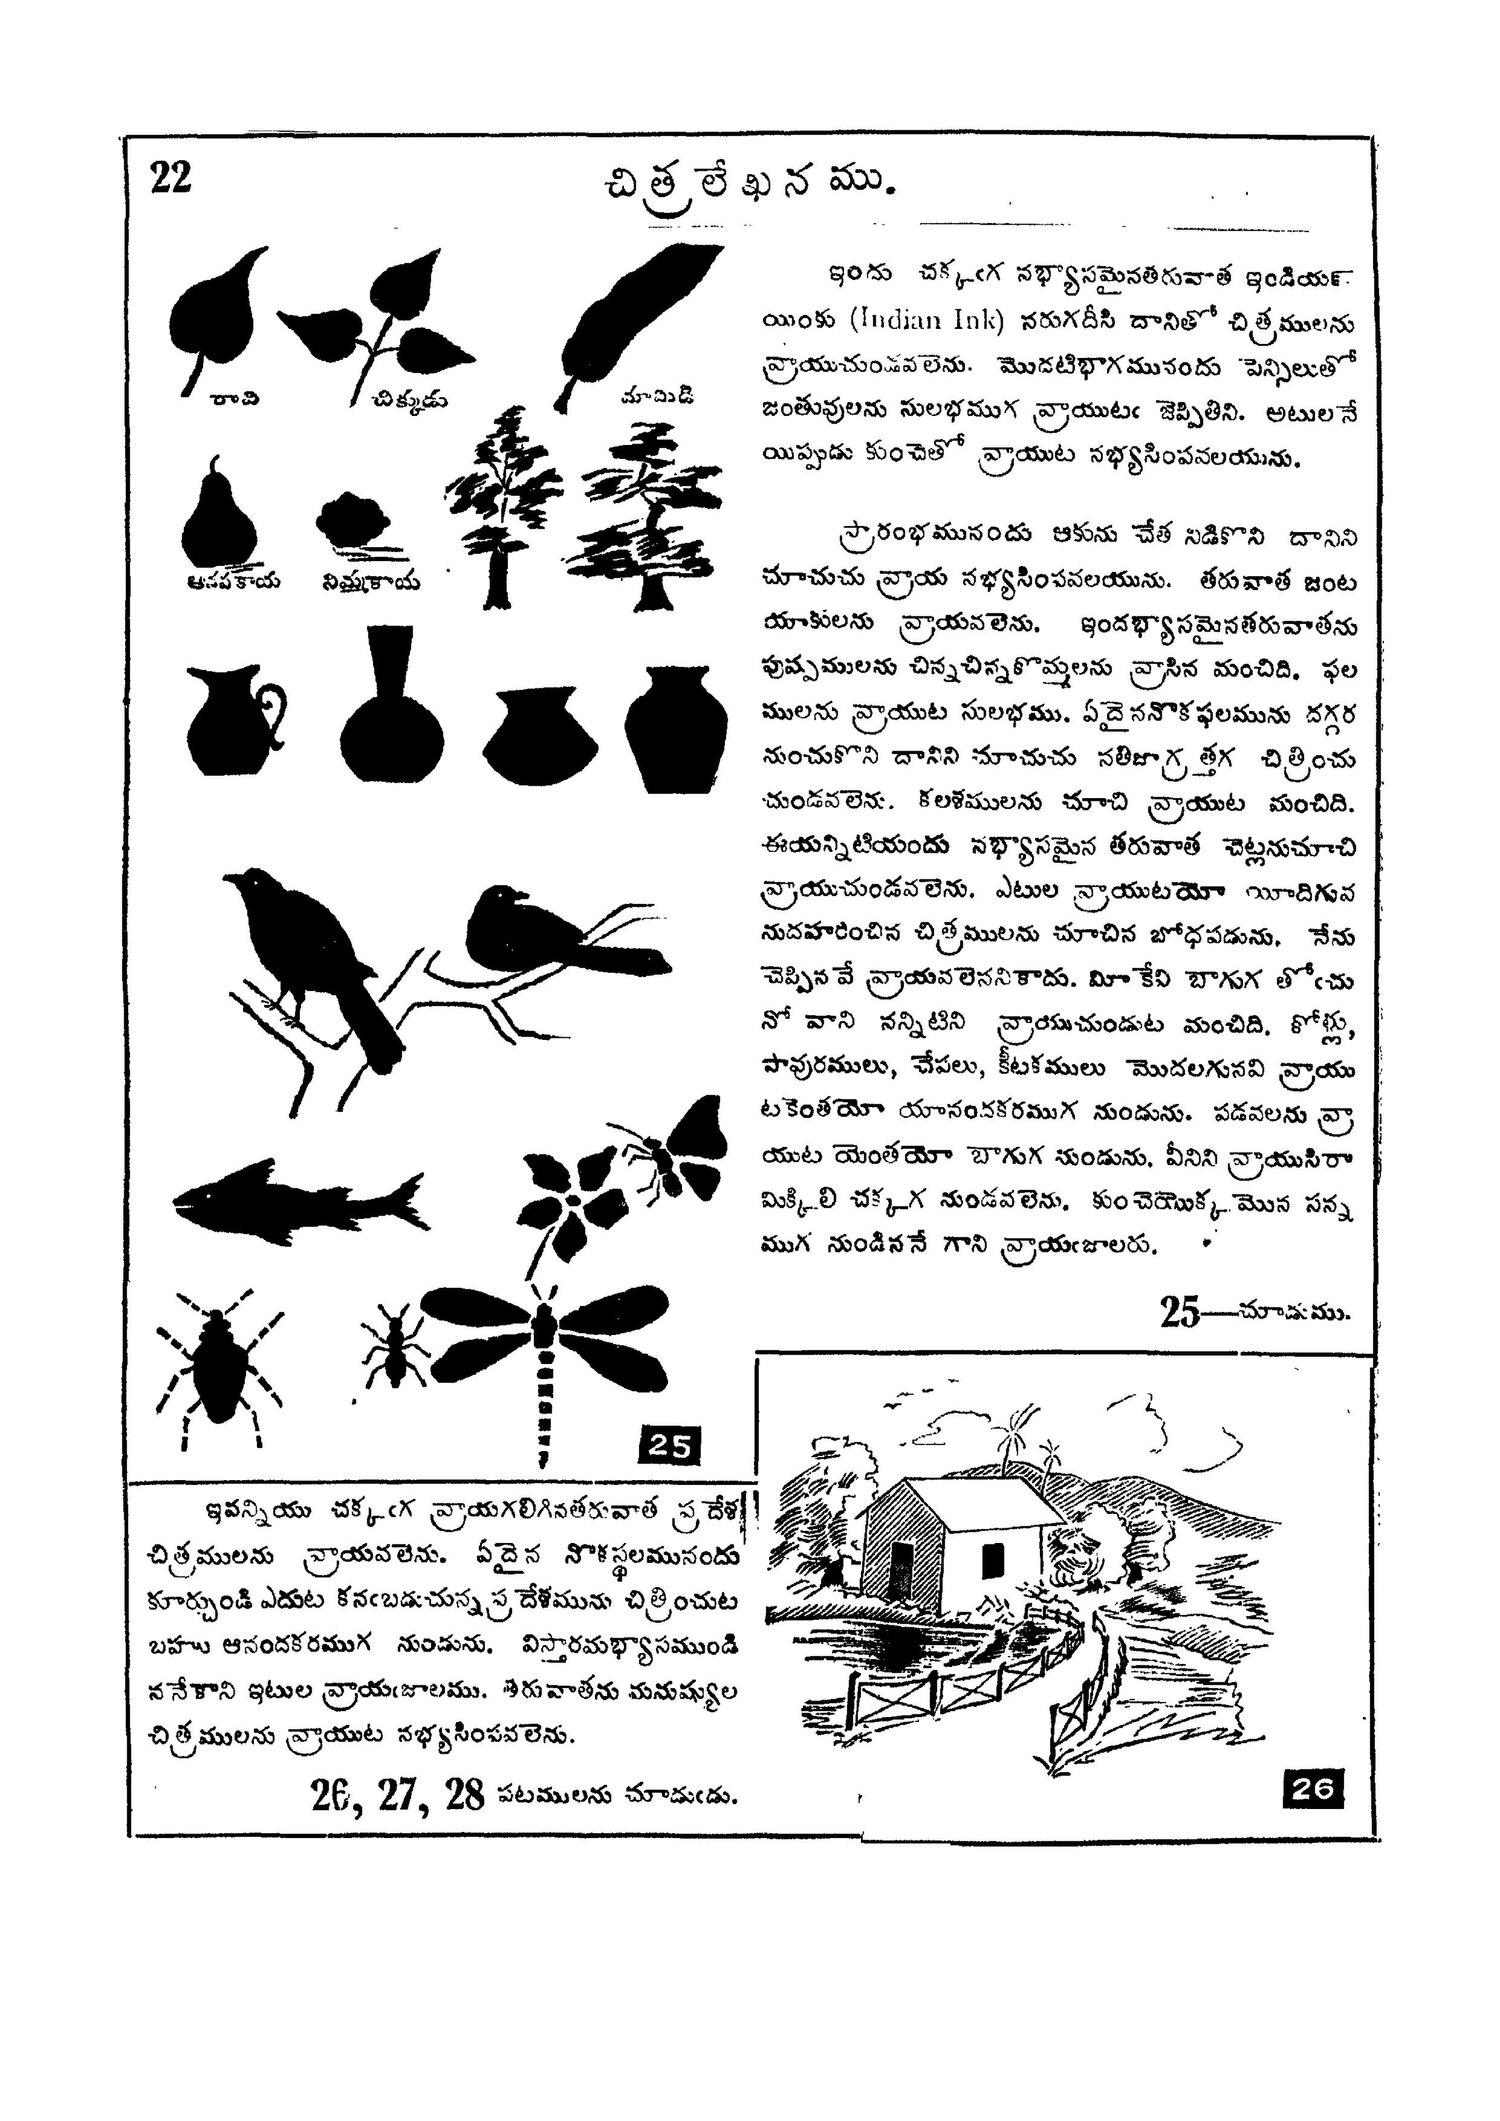ఇందు చక్కగ నభ్యాసమైనతరువాత ఇండియన్ యింకు (Indian Ink) నరుగదీసి దానితో చిత్రములను వ్రాయుచుండవలెను. మొదటిభాగమునందు పెన్సిలుతో జంతువులను సులభముగ వ్రాయుట జెప్పితిని. అటులనే యిప్పుడు కుంచెతో వ్రాయుట నభ్యసింపవలయును.

ప్రారంభమునందు ఆకును చేత నిడికొని దానిని చూచుచు వ్రాయ నభ్యసింపవలయును. తరువాత జంట యాకులను వ్రాయవలెను. ఇందభ్యాసమైనతరువాతను పుష్పములను చిన్నచిన్నకొమ్మలను వ్రాసిన మంచిది. ఫలములను వ్రాయుట సులభము. ఏదైనఫలమును దగ్గరనుంచుకొని దానిని చూచుచు నతిజాగ్రత్తగ చిత్రించుచుండవలెను. కలశములను చూచి వ్రాయుట మంచిది. ఈయన్నిటియందు నభ్యాసమైన తరువాత చెట్లనుచూచి వ్రాయుచుండవలెను. ఎటుల వ్రాయుటయో యీదిగువ నుదహరించిన చిత్రములను చూచిన బోధపడును. నేను చెప్పినవే వ్రాయవలెననికాదు. మీకేవి బాగుగ తోచునో వాని నన్నిటిని వ్రాయుచుండుట మంచిది. కోళ్లు, పావురములు, చేపలు, కీటకములు మొదలగునవి వ్రాయుటకెంతయో యానందకరముగ నుండును. పడవలను వ్రాయుట యెంతయో బాగుగ నుండును. వీనిని వ్రాయుసిరా మిక్కిలి చక్కగ నుండవలెను. కుంచెయొక్క మొన సన్నముగ నుండిననే గాని వ్రాయజాలరు. 25 - చూడుము.

ఇవన్నియు చక్కగ వ్రాయగలిగినతరువాత ప్రదేశ చిత్రములను వ్రాయవలెను. ఏదైన నొకస్థలమునందు కూర్చుండి ఎదుట కనబడుచున్నప్రదేశమును చిత్రించుట బహు ఆనందకరముగ నుండును. విస్తారమభ్యాసముండిననేకాని ఇటుల వ్రాయజాలము. తరువాతను మనుష్యుల చిత్రములను వ్రాయుట నభ్యసింపవలెను.

26, 27, 28 పటములను చూడుడు.